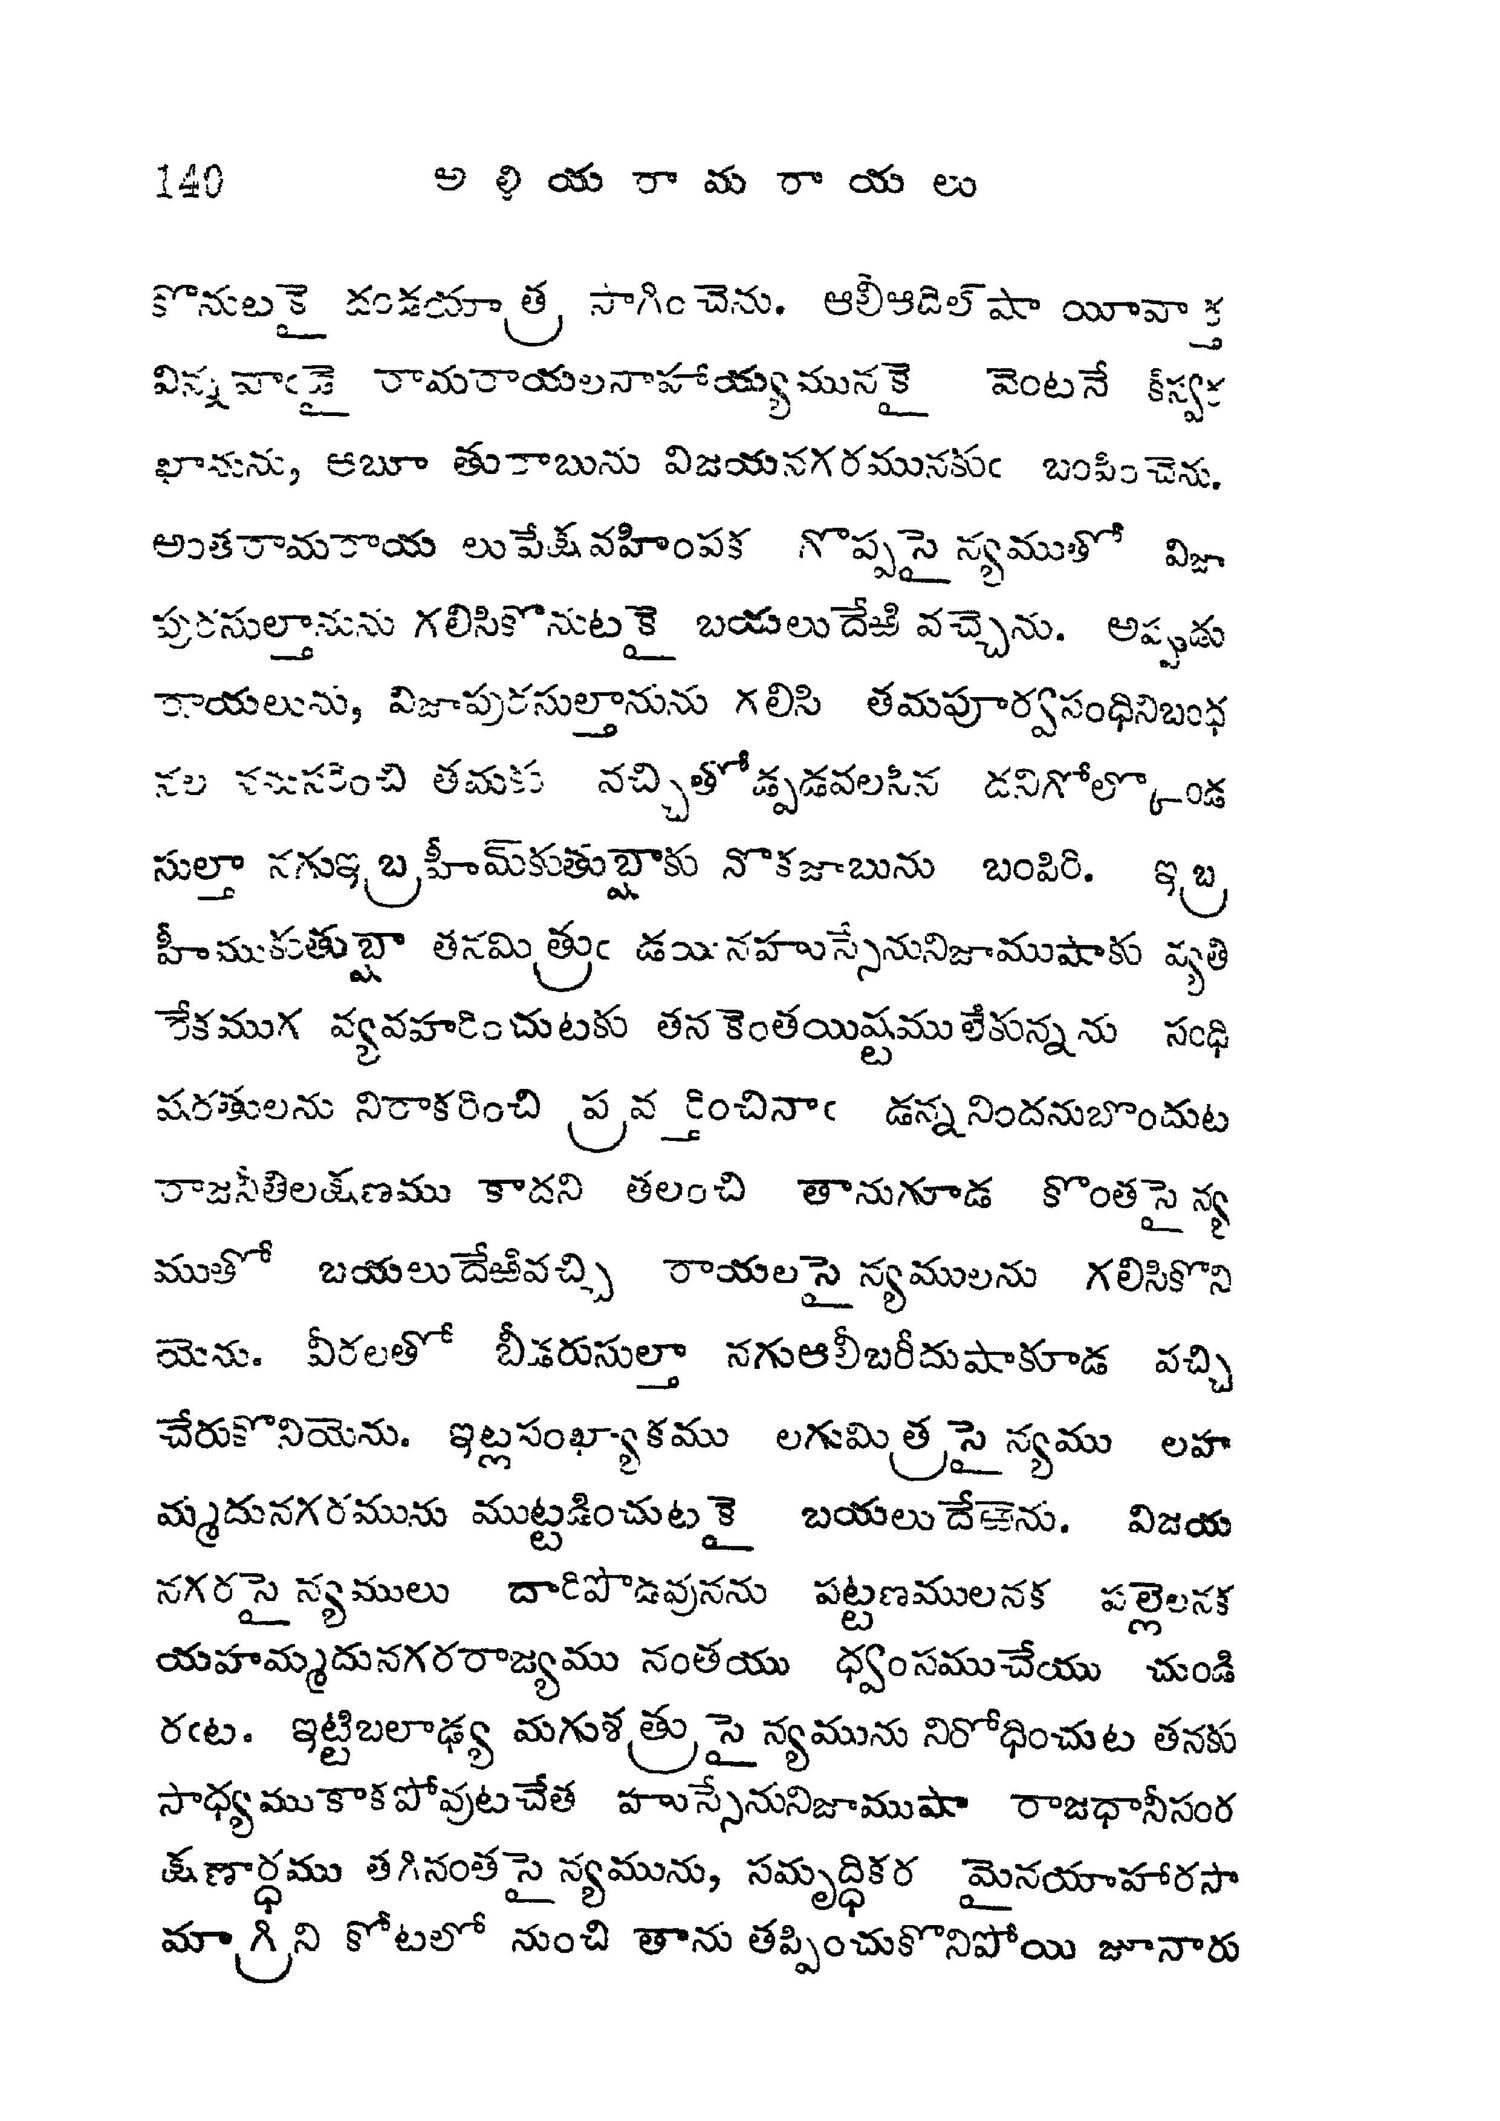కొనుటకై దండయాత్ర సాగించెను. ఆలీఆదిల్‌షా యీవార్త విన్నవాడై రామరాయలసాహాయ్యమునకై వెంటనే కిన్వరఖానును, ఆబూ తురాబును విజయనగరమునకు బంపించెను. అంతరామరాయ లుపేక్షవహింపక గొప్పసైన్యముతో విజాపురసుల్తానును గలిసికొనుటకై బయలుదేఱి వచ్చెను. అప్పుడు రాయలును, విజాపురసుల్తానును గలిసి తమపూర్వసంధినిబంధనల ననుసరించి తమకు వచ్చితోడ్పడవలసిన దనిగోల్కొండ సుల్తా నగుఇబ్రహీమ్‌కుతుబ్షాకు నొకజాబును బంపిరి. ఇబ్రహీముకుతుబ్షా తనమిత్రు డయినహుస్సేనునిజాముషాకు వ్యతిరేకముగ వ్యవహరించుటకు తనకెంతయిష్టములేకున్నను సంధి షరతులను నిరాకరించి ప్రవర్తించినా డన్ననిందనుబొందుట రాజనీతిలక్షణము కాదని తలంచి తానుగూడ కొంతసైన్యముతో బయలుదేఱివచ్చి రాయలసైన్యములను గలిసికొనియెను. వీరలతో బీడరుసుల్తా నగుఆలీబరీదుషాకూడ వచ్చి చేరుకొనియెను. ఇట్లసంఖ్యాకము లగుమిత్రసైన్యము లహమ్మదునగరమును ముట్టడించుటకై బయలుదేఱెను. విజయనగరసైన్యములు దారిపొడవునను పట్టణములనక పల్లెలనక యహమ్మదునగరరాజ్యము నంతయు ధ్వంసముచేయు చుండిరట. ఇట్టిబలాడ్య మగుశత్రుసైన్యమును నిరోధించుట తనకు సాధ్యముకాకపోవుటచేత హుస్సేనునిజాముషా రాజధానీ సంరక్షణార్ధము తగినంతసైన్యమును, సమృద్ధికర మైనయాహారసామాగ్రిని కోటలో నుంచి తాను తప్పించుకొనిపోయి జూనారు